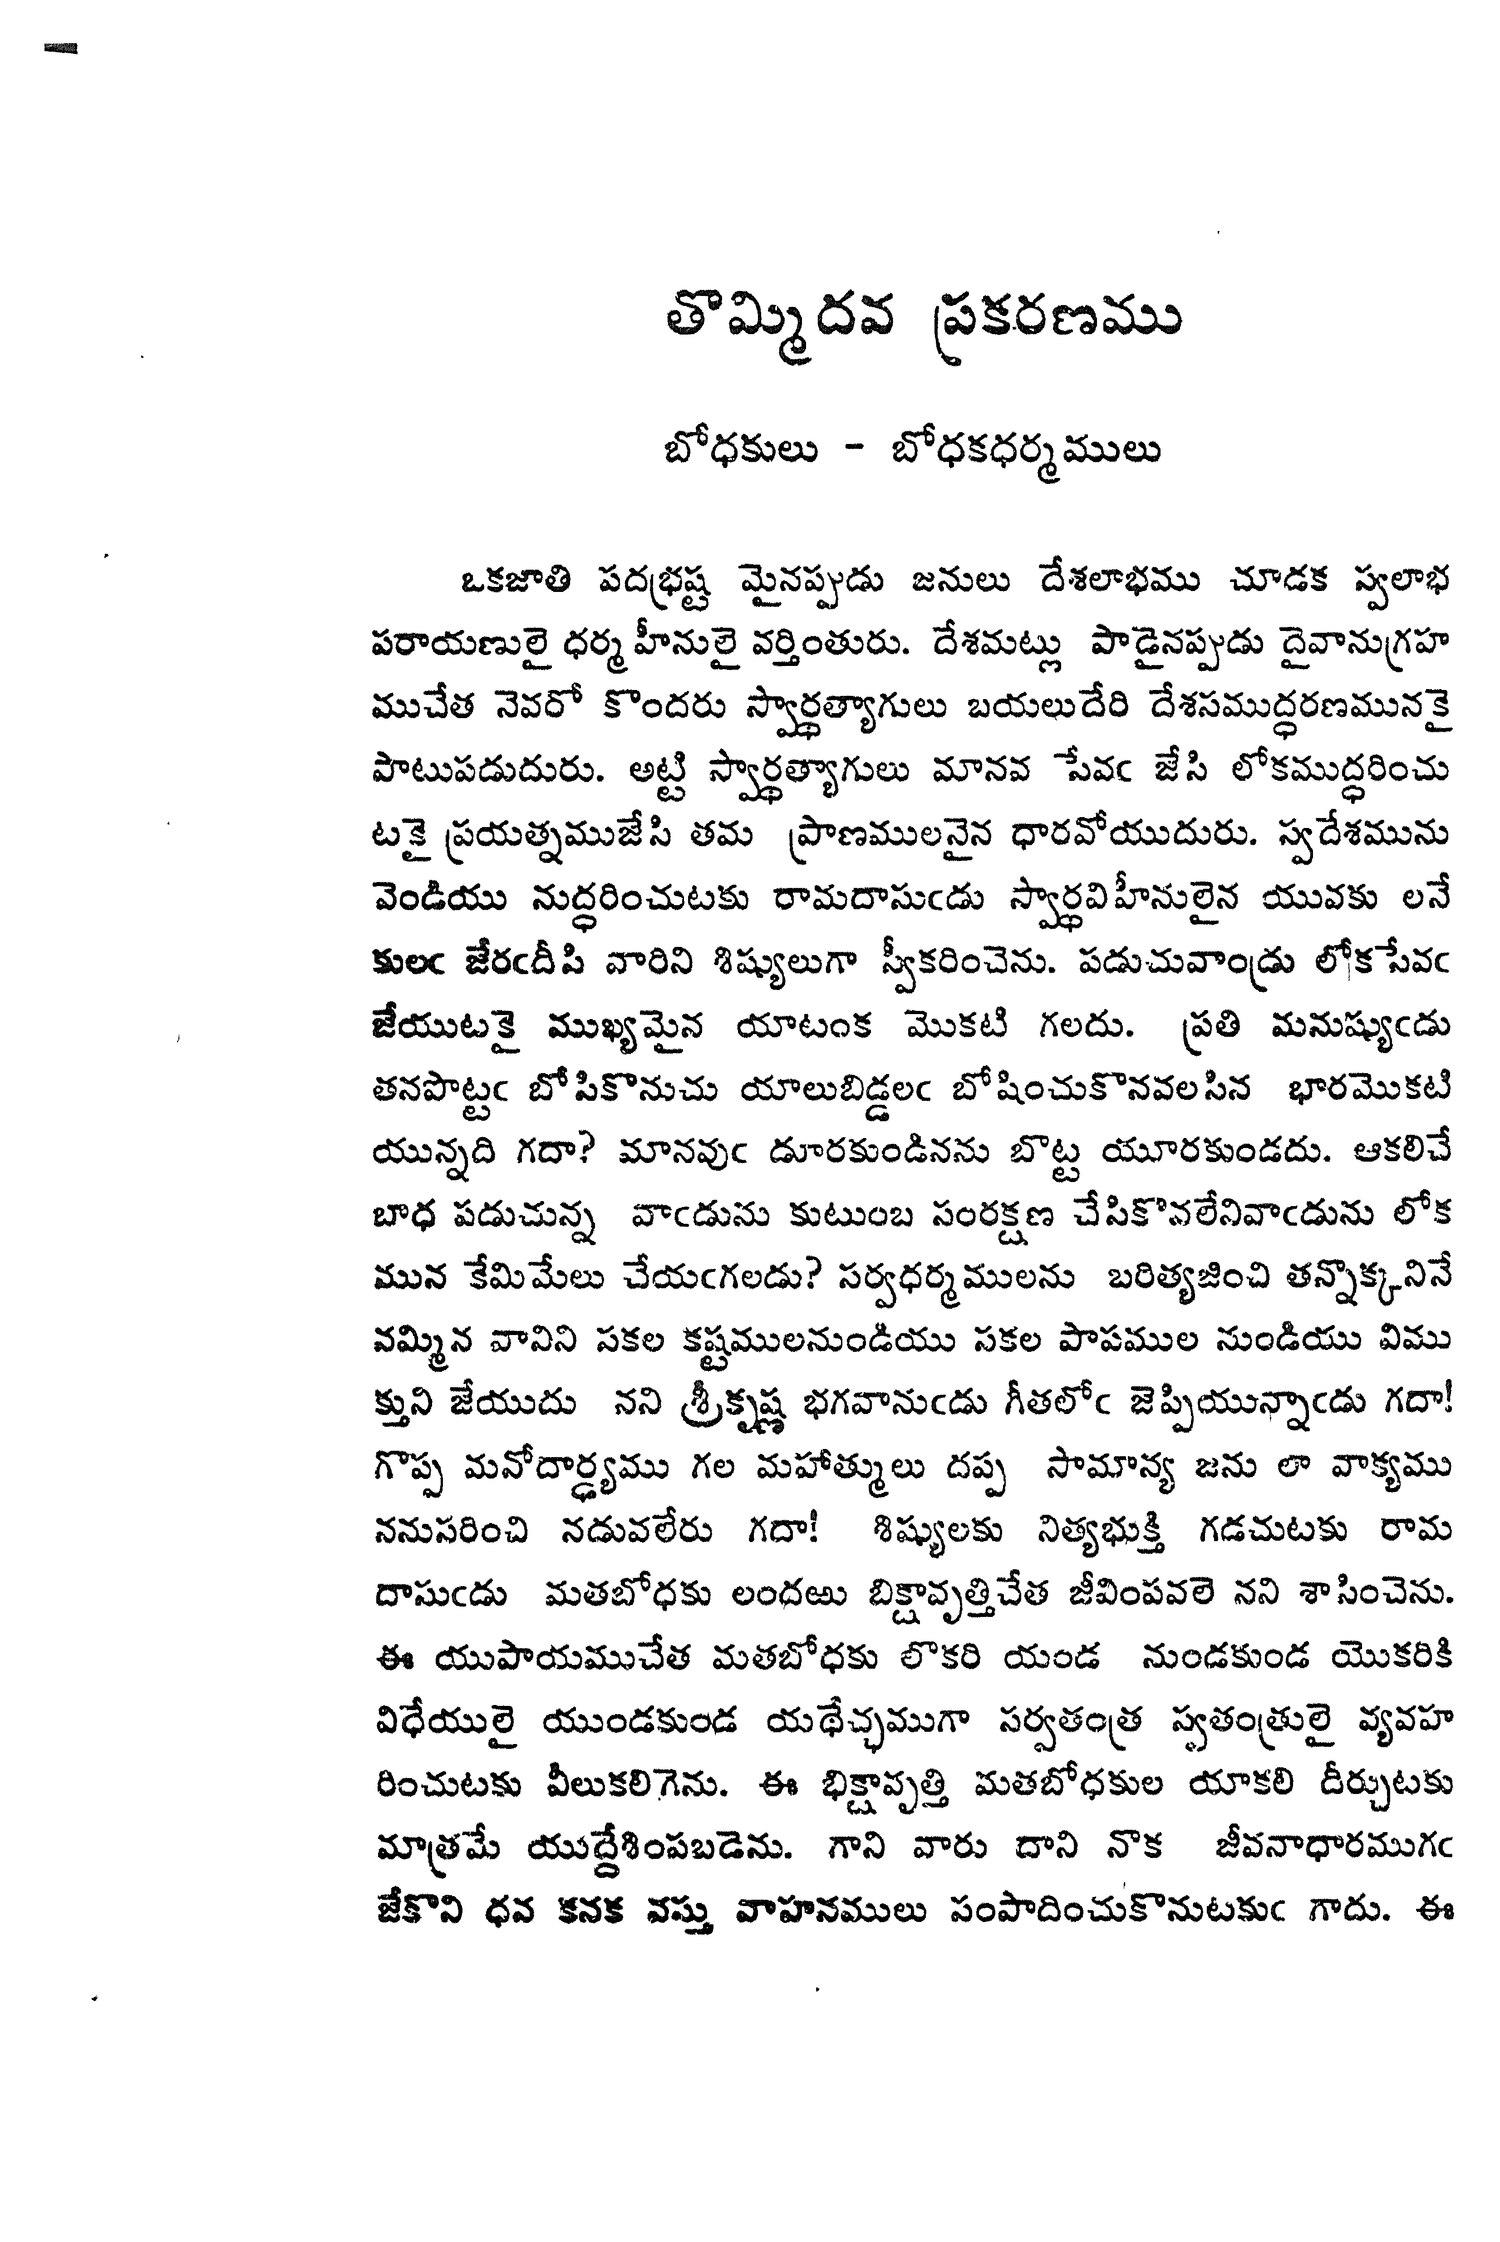ఒకజాతి పదభ్రష్ట మైనప్పుడు జనులు దేశలాభము చూడక స్వలాభపరాయణులై ధర్మ హీనులై వర్తింతురు. దేశమట్లు పాడైనప్పుడు దైవానుగ్రహముచేత నెవరో కొందరు స్వార్థత్యాగులు బయలుదేరి దేశసముద్ధరణమునకై పాటుపడుదురు. అట్టి స్వార్థత్యాగులు మానవ సేవ జేసి లోకముద్ధరించుటకై ప్రయత్నముజేసి తమ ప్రాణములనైన ధారవోయుదురు. స్వదేశమును నెండియు నుద్ధరించుటకు రామదాసుడు స్వార్థవిహీనులైన యువకు లనేకుల జేరదీసి వారిని శిష్యులుగా స్వీకరించెను. పడుచువాండ్రు లోకసేవ జేయుటకై ముఖ్యమైన యాటంక మొకటి గలదు. ప్రతి మనుష్యుడు తనపొట్ట బోసికొనుచు యాలుబిడ్డల బోషించుకొనవలసిన భారమొకటి యున్నది గదా? మానవు డూరకుండినను బొట్ట యూరకుండదు. ఆకలిచే భాధ పడుచున్న వాడును కుటుంబ సంరక్షణ చేసికొనలేనివాడును లోకమున కేమిమేలు చేయగలడు? సర్వధర్మములను బరిత్యజించి తన్నొక్కనినే నమ్మిన వానిని సకల కష్టములనుండియు సకల పాపముల నుండియు విముక్తుని జేయుదు నని శ్రీకృష్ణ భగవానుడు గీతలో జెప్పియున్నాడు గదా! గొప్ప మనోదార్డ్యము గల మహాత్ములు దప్ప సామాన్య జను లా వాక్యము ననుసరించి నడువలేరు గదా! శిష్యులకు నిత్యభుక్తి గడచుటకు రామదాసుడు మతబోధకు లందఱు బిక్షావృత్తిచేత జీవింపవలె నని శాసించెను. ఈ యుపాయముచేత మతబోధకు లొకరి యండ నుండకుండ యొకరికి విధేయులై యుండకుండ యథేచ్ఛముగా సర్వతంత్ర స్వతంత్రులై వ్యవహరించుటకు వీలుకలిగెను. ఈ భిక్షావృత్తి మతబోధకుల యాకలి దీర్చుటకు మాత్రమే యుద్దేశింపబడెను. గాని వారు దాని నొక జీవనాధారముగ జేకొని ధన కనక వస్తు వాహనములు సంపాదించుకొనుటకు గాదు. ఈ